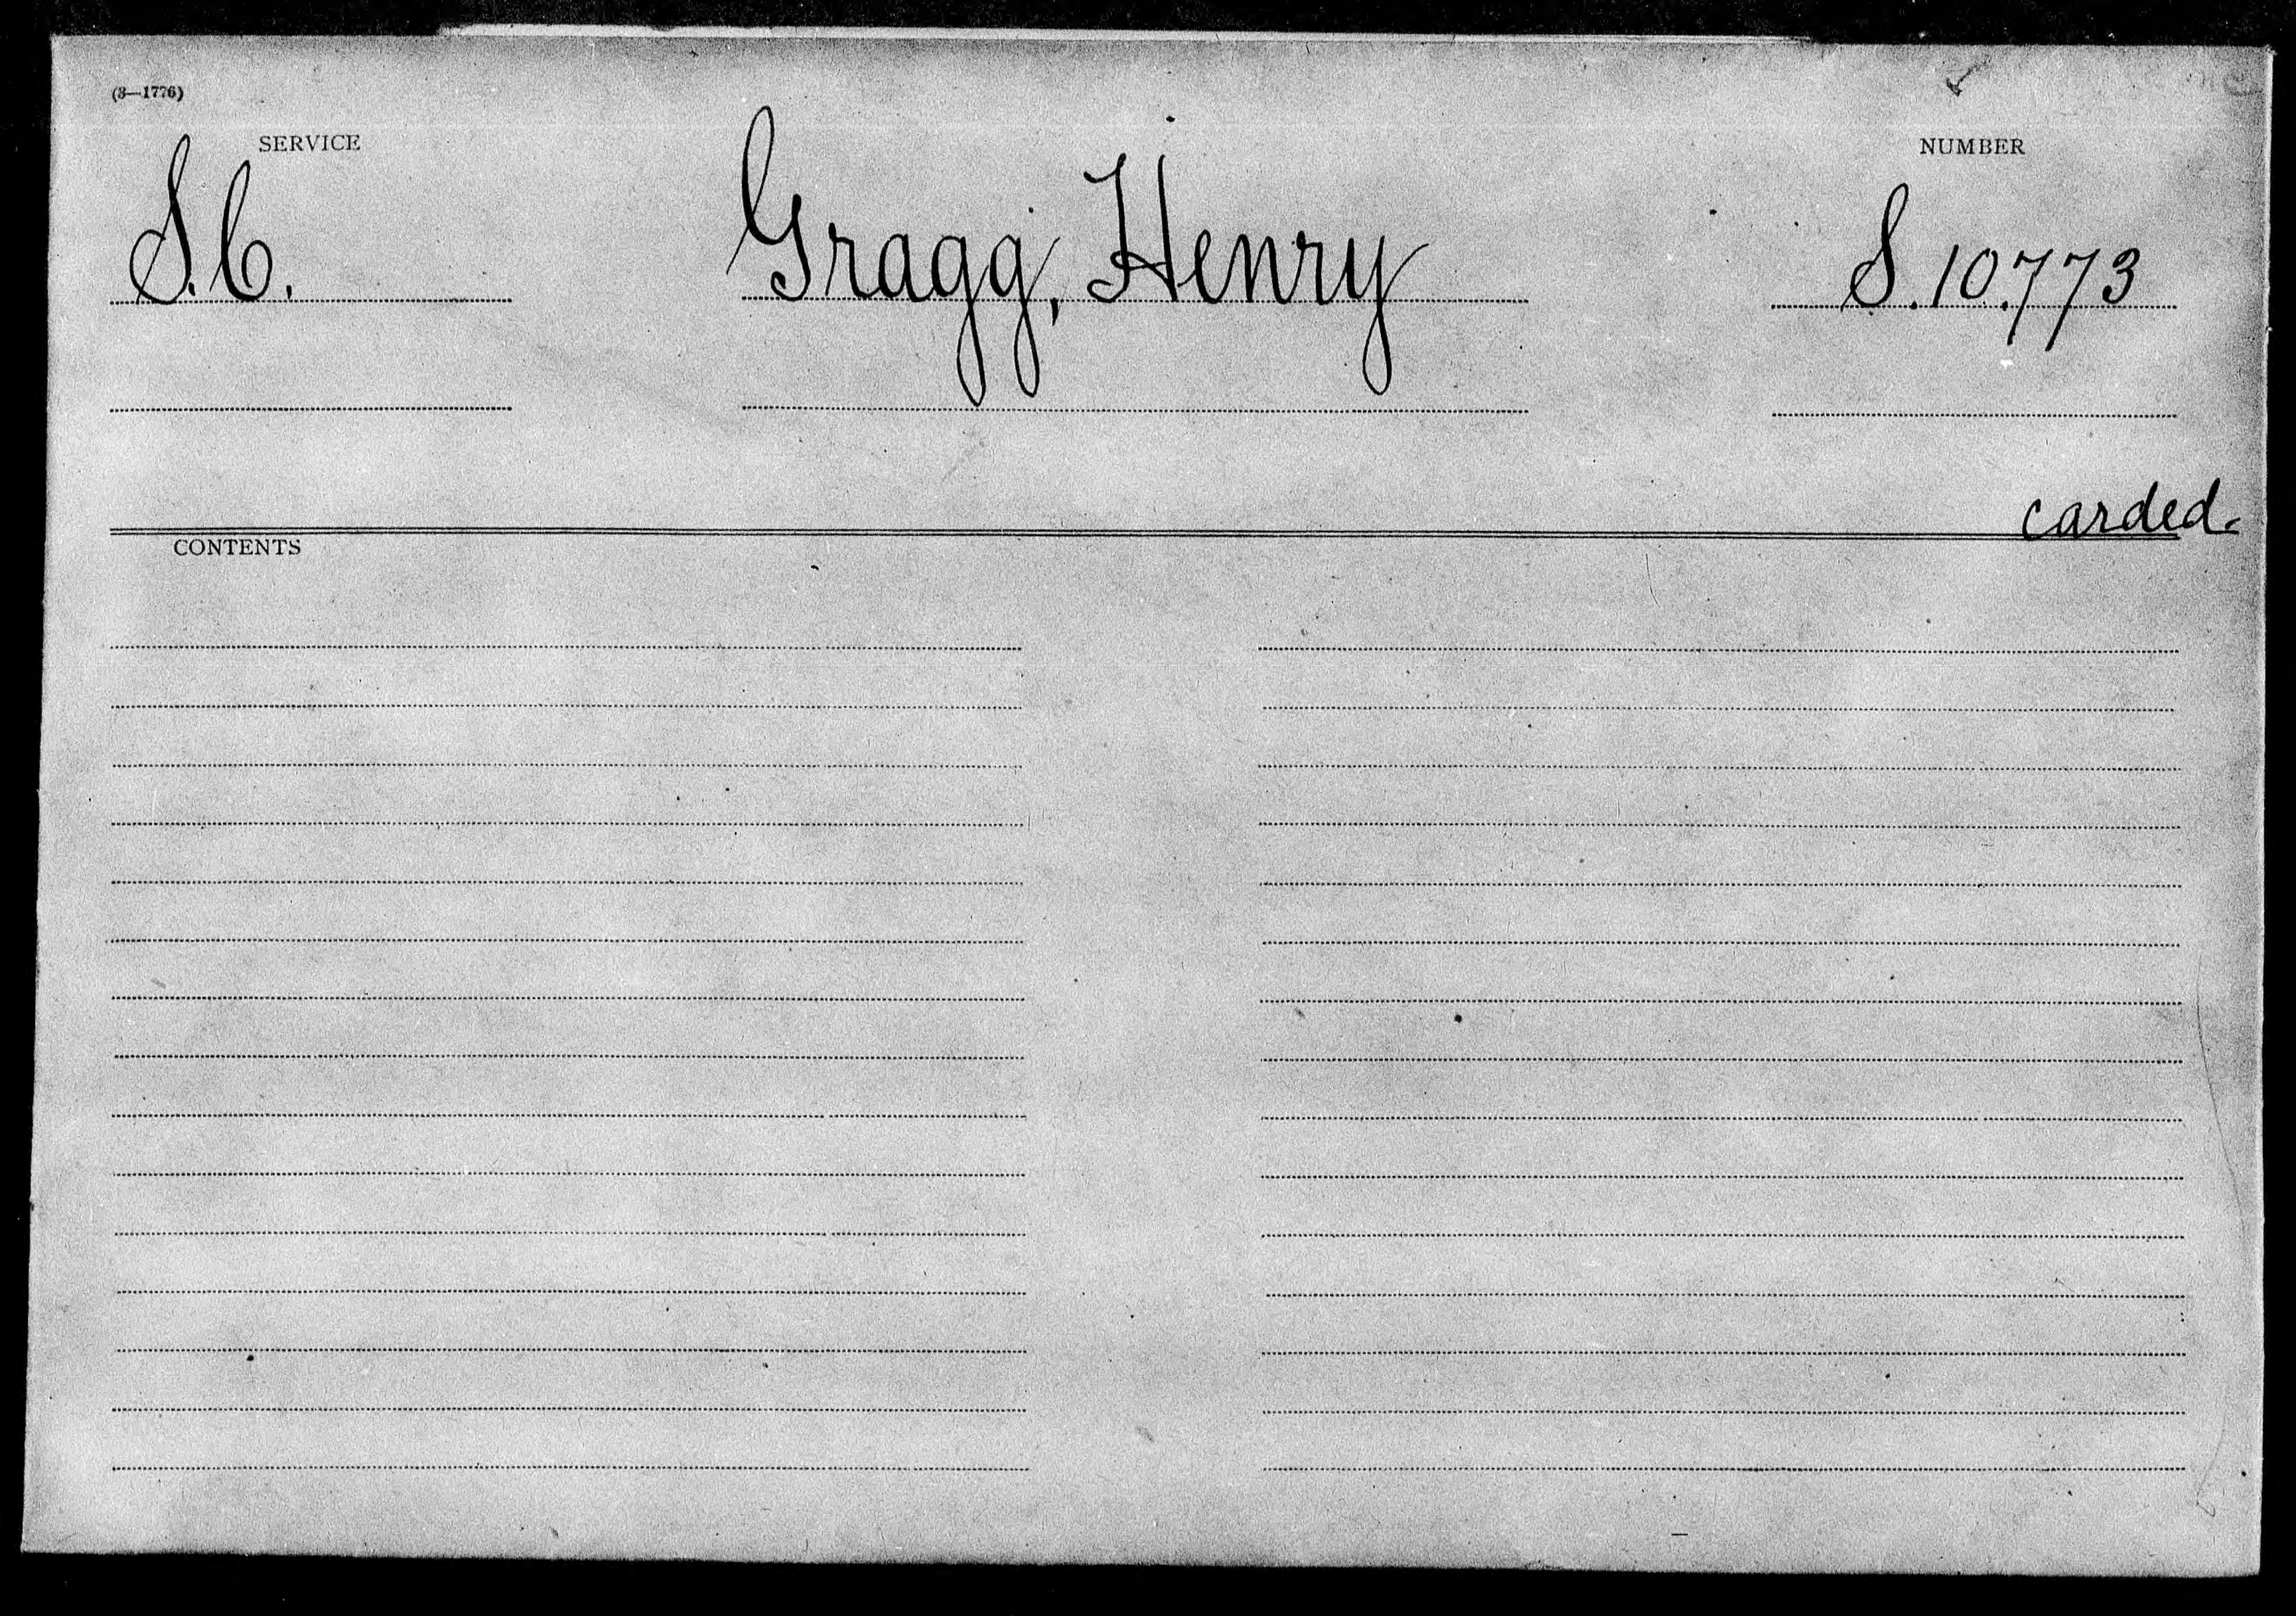(8- 1776)

SERVICE                                         NUMBER
SC          Gragg, Henry                  S.  10.773

                                                                          Carded
CONTENTS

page: 1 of 18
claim: survivor's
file: S. 10,773, Henry Gragg, S.C.